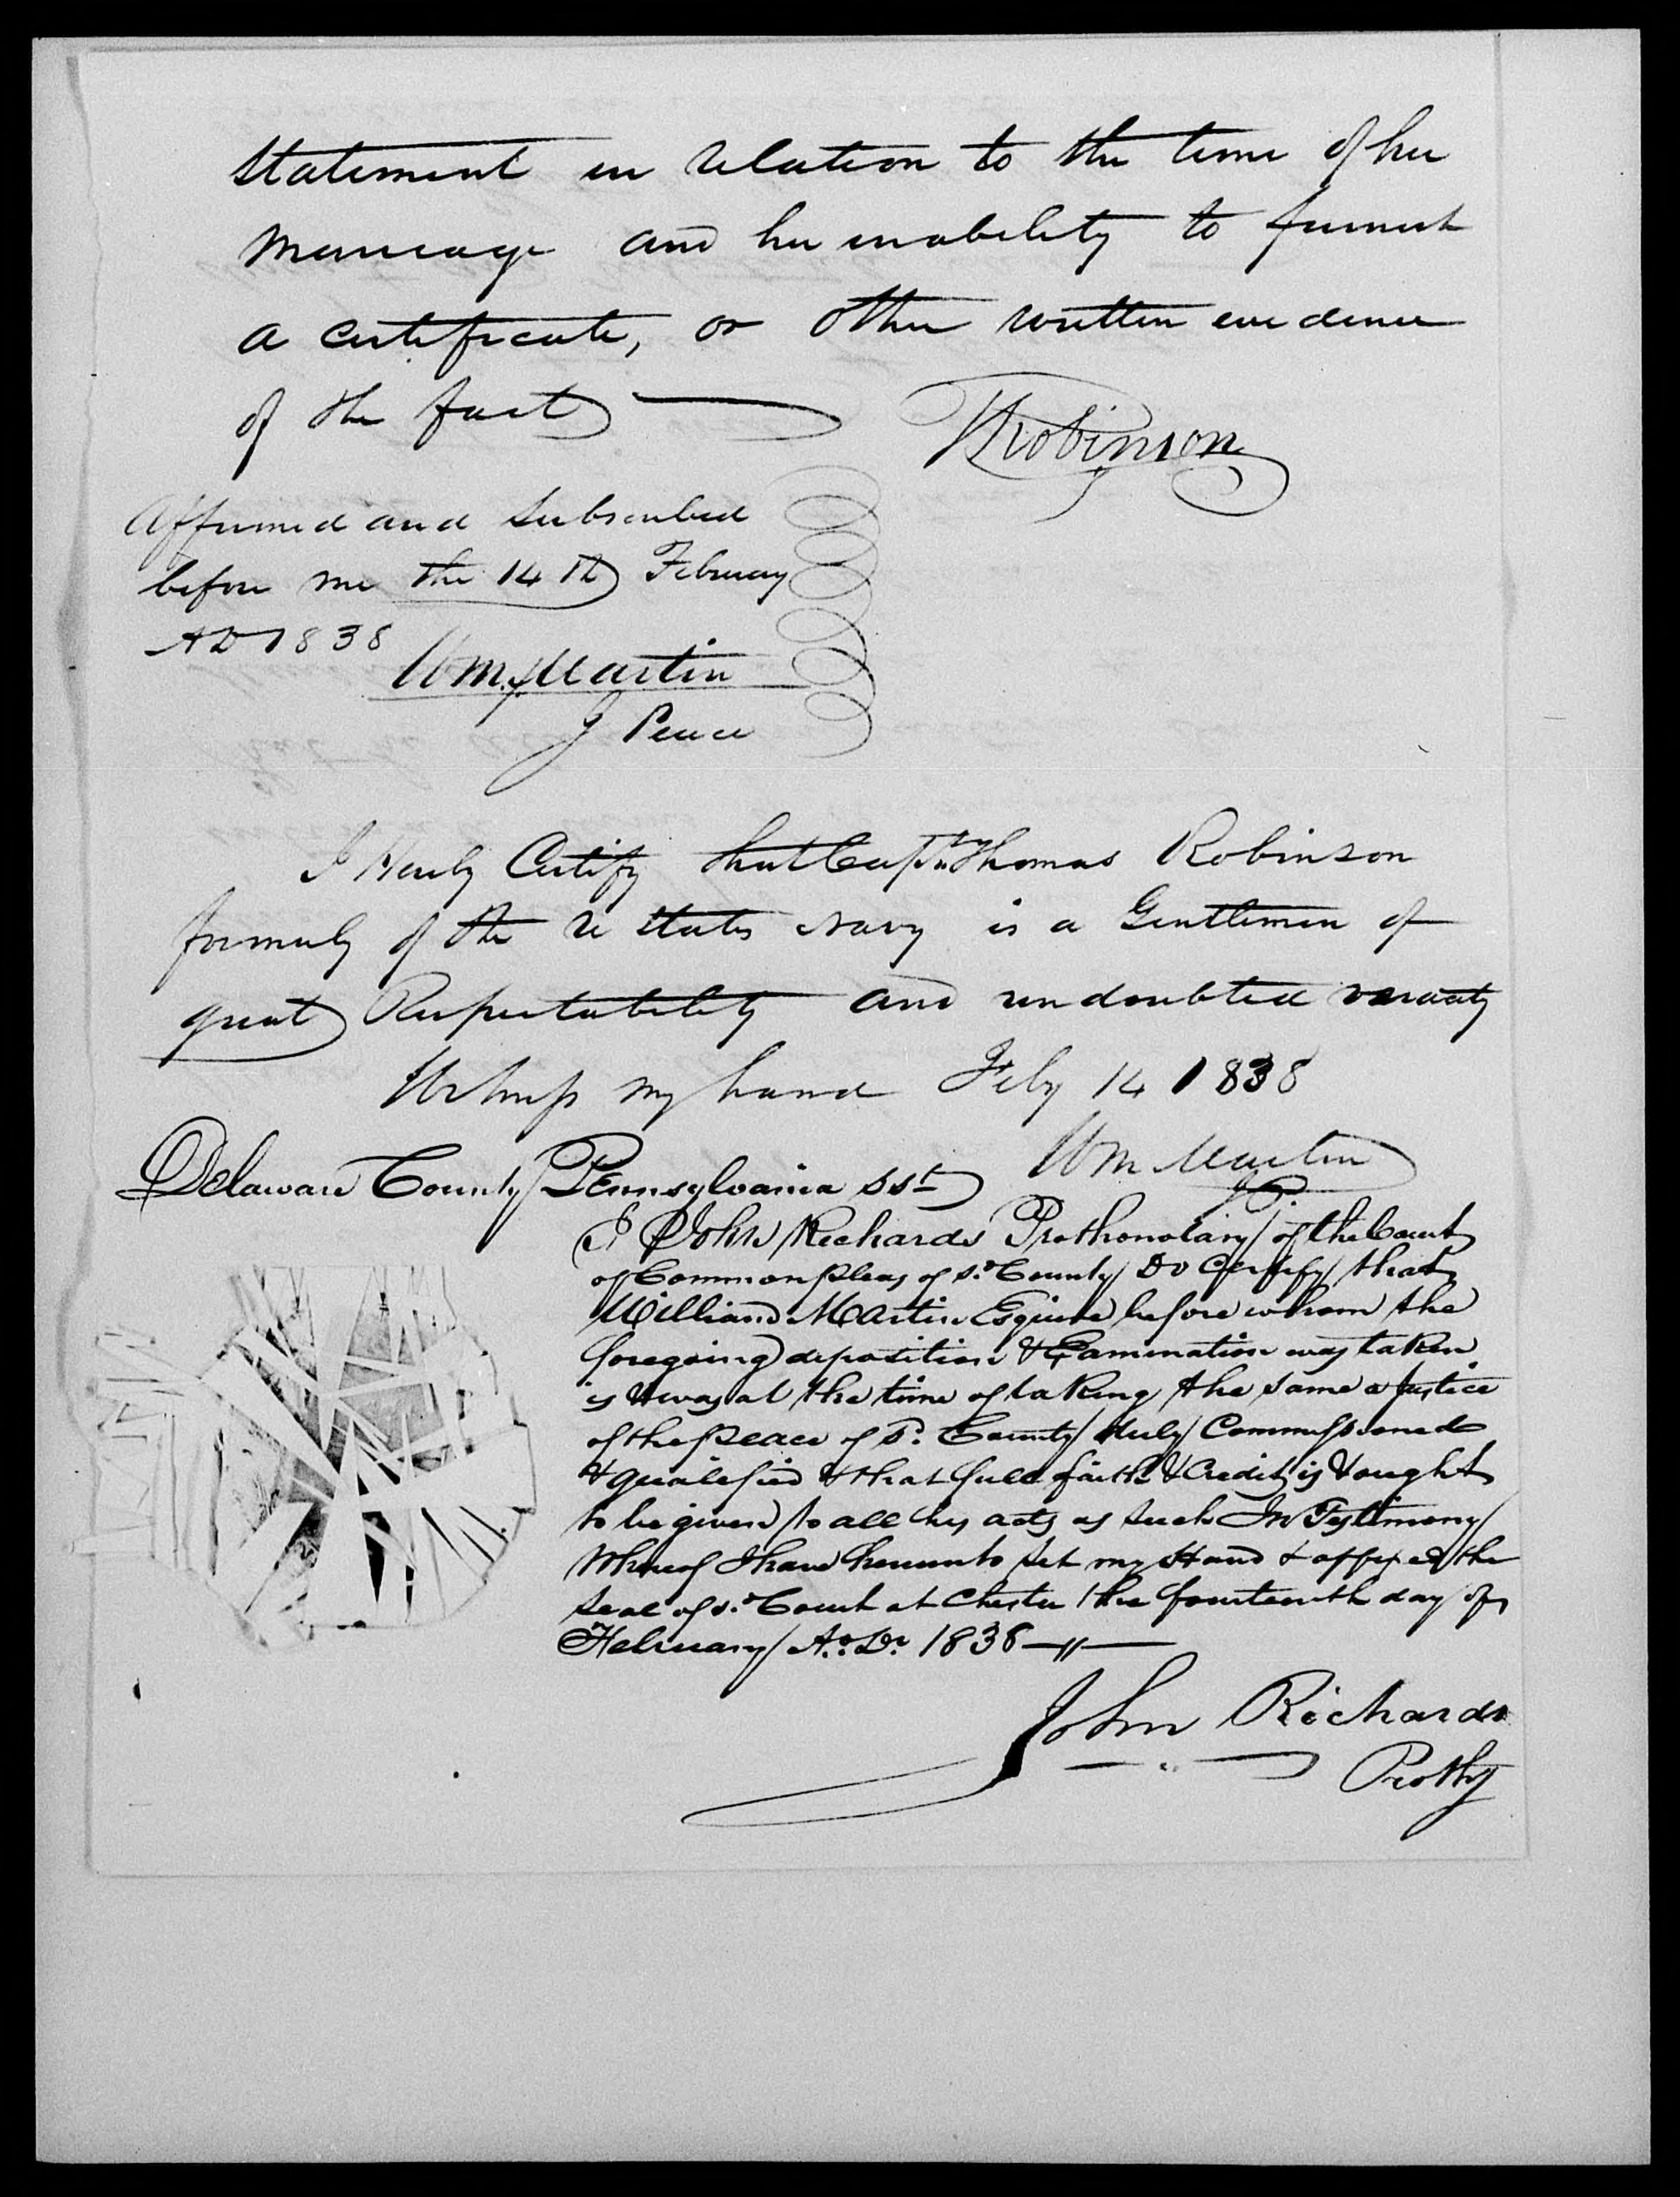statement in relation to the terms of her marriage and her inability to furnish a certificate or other written evidence of the fact.

T. Robinson [signature]

Affirmed and Subscribed before me the 14th February AD 1838

Wm. Martin
J Peace

I hereby certify that Thomas Robinson formerly of the [illegible] is a Gentleman of great Respectability and undoubted veracity.

[illegible] my hnd Feb 14 1838
Wm Martin

Delaware County Pennsylvania

I John Richards Prothonotary of the Court of Common Please of s. County do certify that William Martin Esquire before whom the foregoing depositon & examination was taken is & was at the time of taking the same Justice of the Peace of s. County duly commissioned & qualified & that full faith & credit is & ought to be given to all the acts of such. In Testimony whereof I have hereunto set my Hand & affixed the seal of s. Court at Chester this fourteenth day of February A.D. 1838.

John Richards
Prothy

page: 41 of 86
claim: widow's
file: W. 3571, for David Marshall, Pennsylvania